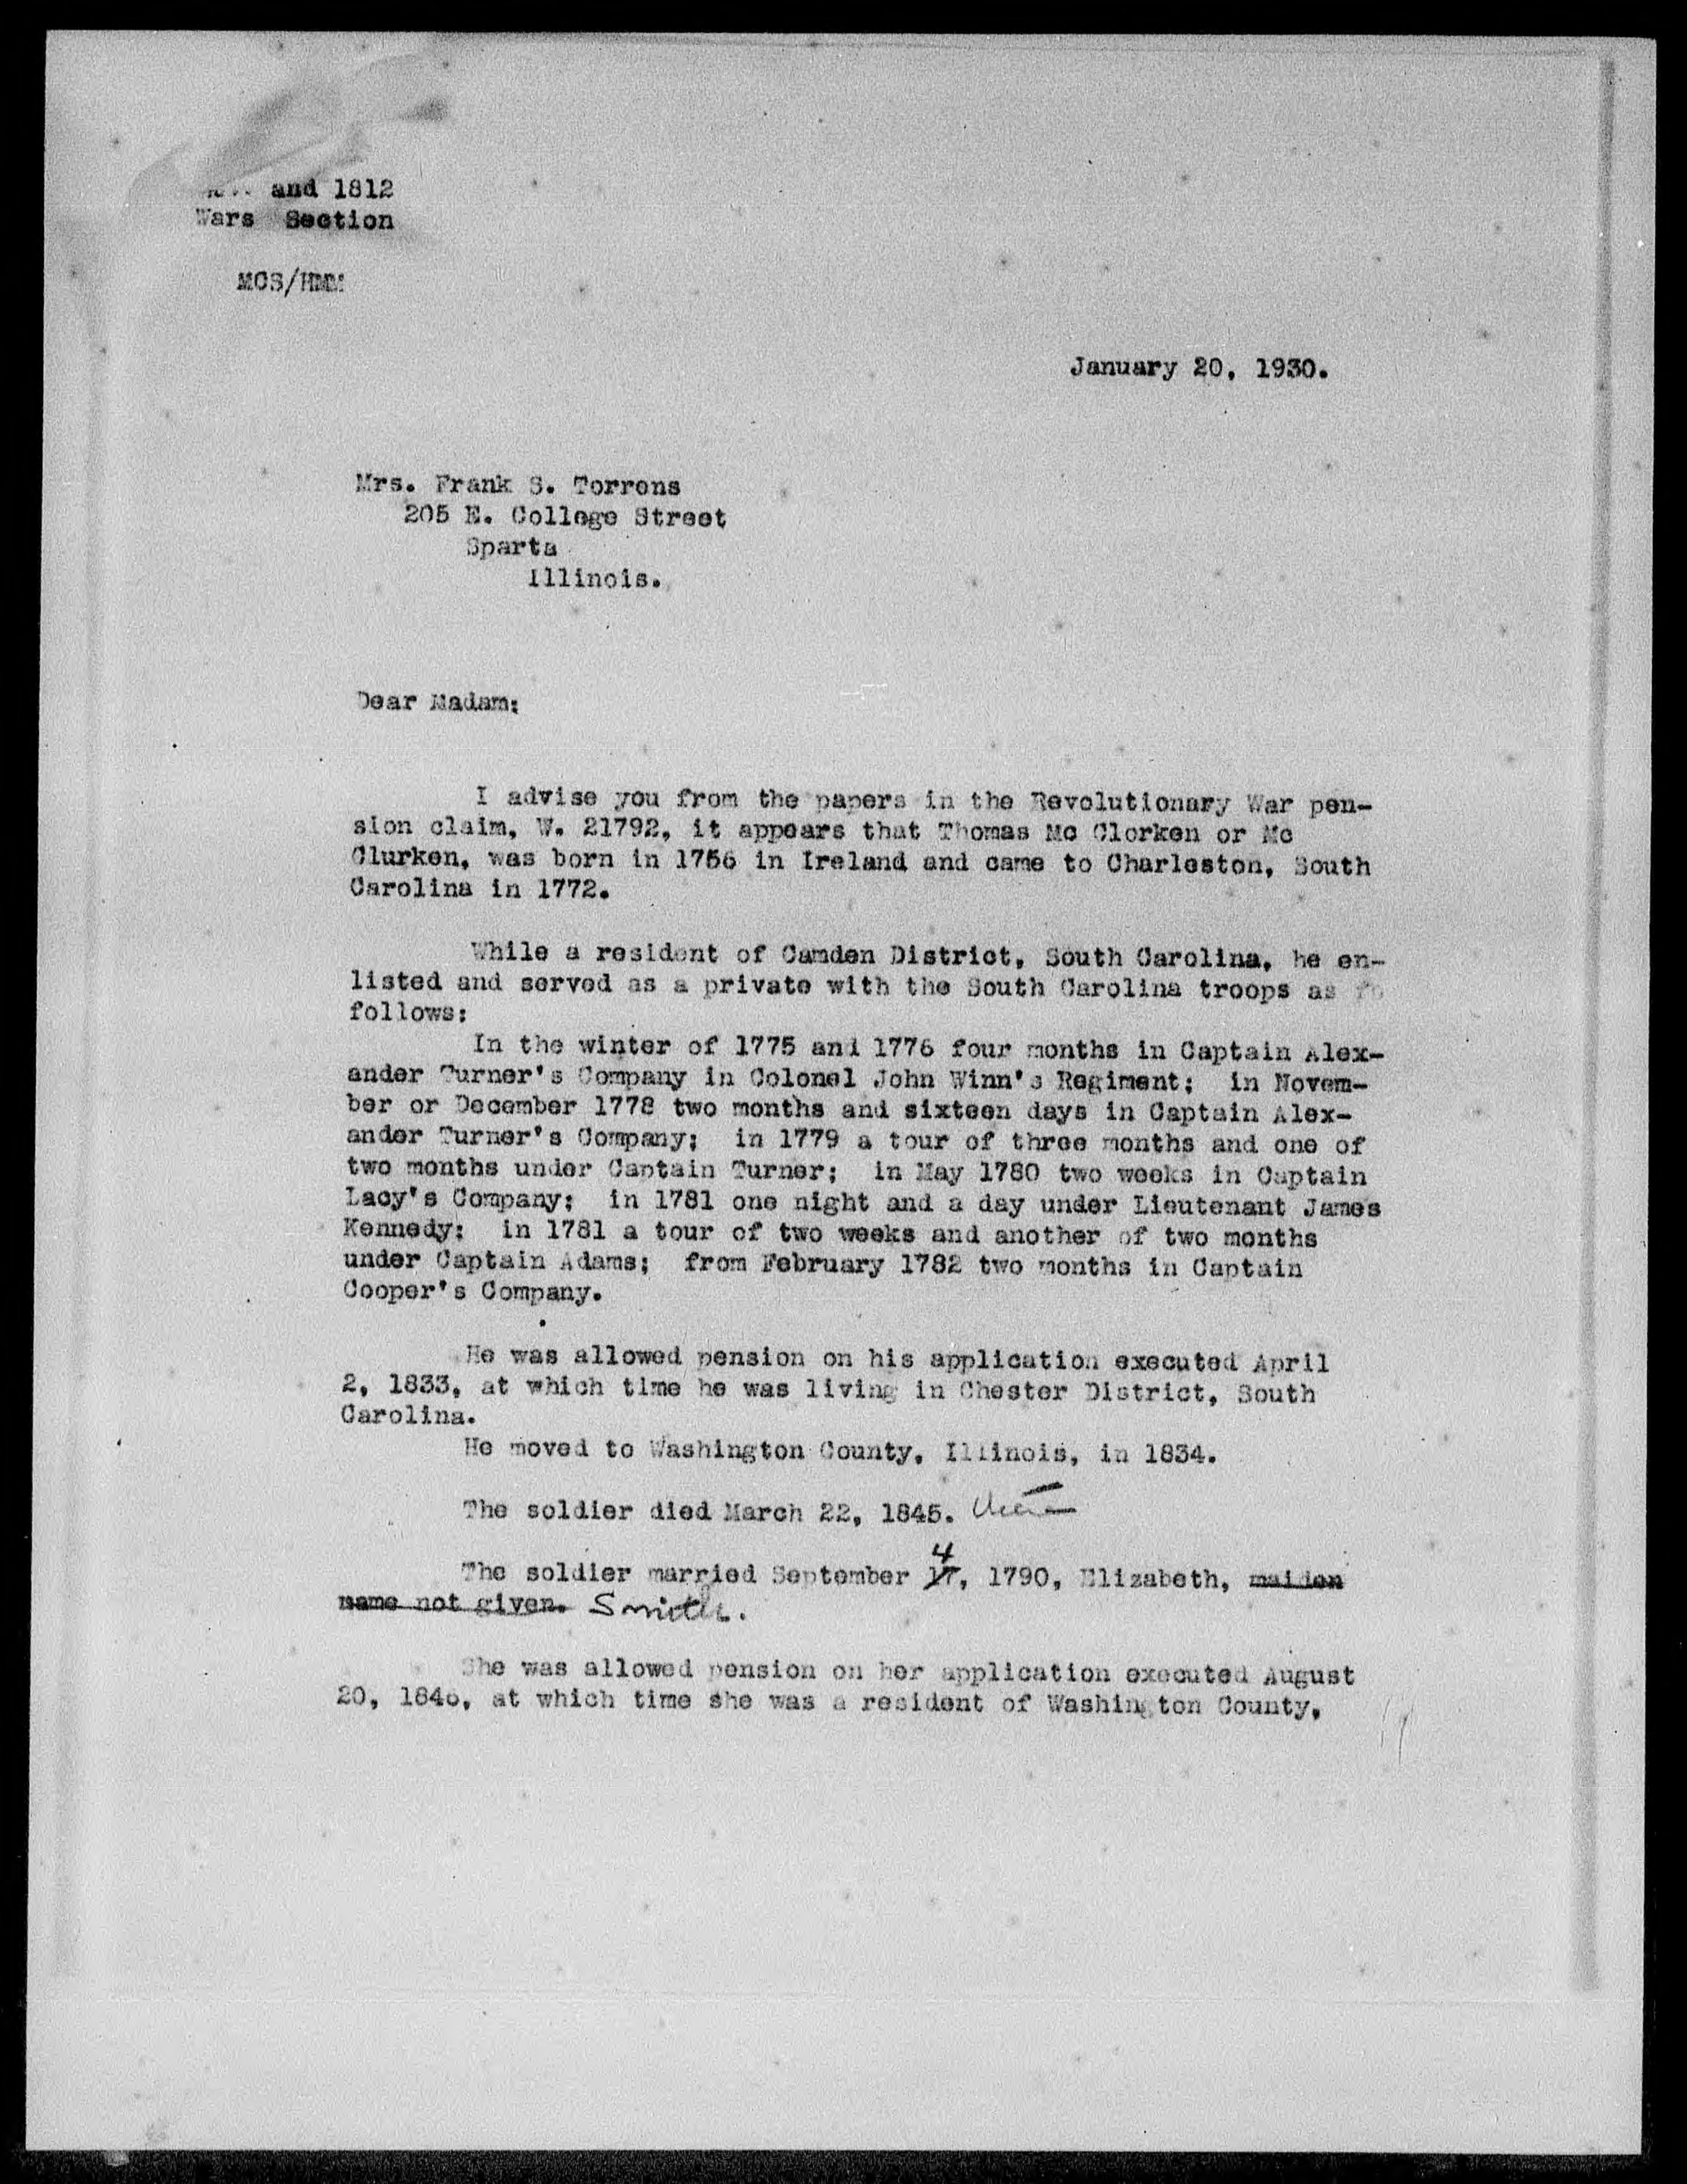and 1812 
Wars Section 

MOS/HMM 

January 20, 1930. 

Mrs. Frank S. Torrens 
205 E. College Street 
Sparta 
Illinois.


Dear Madam:  

I advise you from the papers in the Revolutionary War pension claim, W. 21792, it appears that Thomas McClorken or McClurken, was born in 1756 in Ireland and came to Charleston, South Carolina in 1772. 

While a resident of Camden District, South Carolina, he enlisted and served as a private with the South Carolina troops as to follows:

In the winter of 1775 and 1776 four months in Captain Alexander Turner's Company in Colonel John Winn's Regiment; in November or December 1778 two months and sixteen days in Captain Alexander Turner's Company; in 1779 a tour of three months and one of two months under Captain Turner; in May 1780 two weeks in Captain Lacy's Company; in 1781 one night and a day under Lieutenant James Kennedy; in 1781 a tour of two weeks and another of two months under Captain Adams; from February 1782 two months in Captain Cooper's Company. 

He was allowed pension on his application executed April 2, 1833, at which time he was living in Chester District, South Carolina.

He moved to Washington County, Illinois, in 1834. 

The soldier died March 22, 1845. [unintelligible]


The soldier married September 4, 1790, Elizabeth Smith.

She was allowed pension on her application executed August 20, 1846, at which time she was a resident of Washington County,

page: 92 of 93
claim: widow's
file: W. 21792, for Thomas Mc Clurken, South Carolina